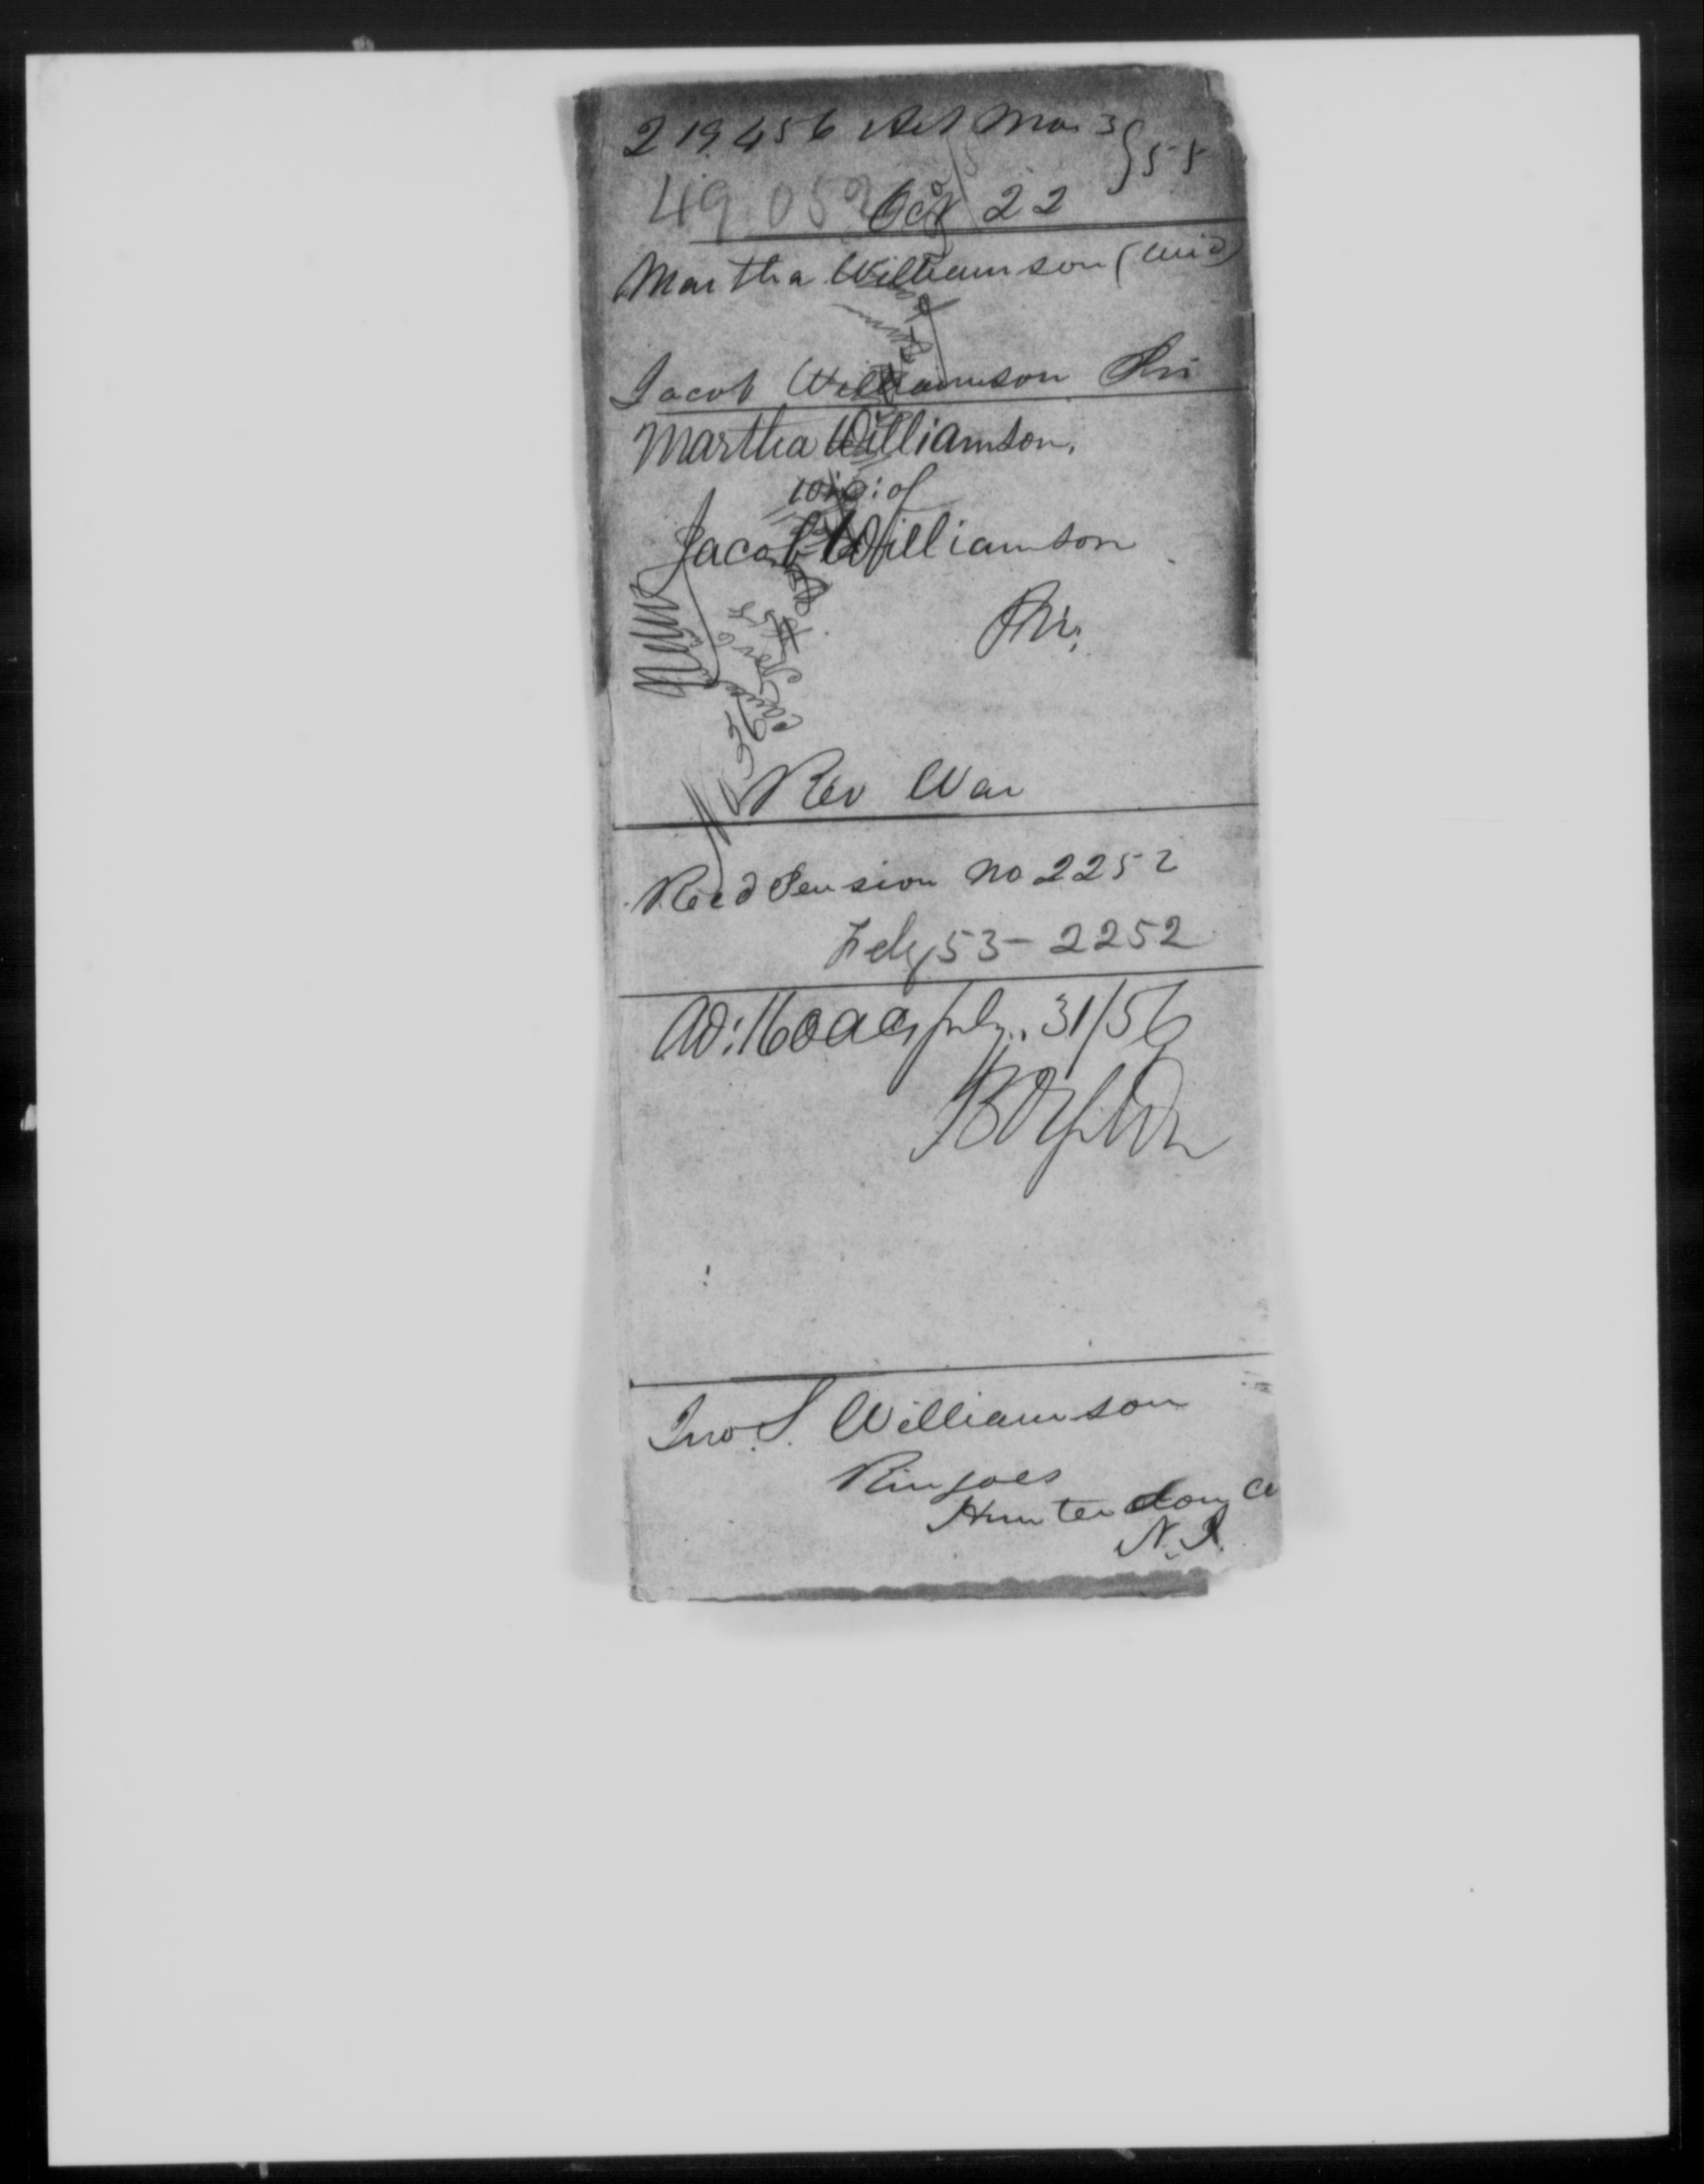219,456 - Act Mar. 3, '58
49,052 - Oct. 22, '58

Martha Williamson, wid(ow) Jacob Williamson, Pri(vate).
Martha Williamson, wid(ow) Jacob Williamson, Pri(vate) Rev. War.

Rec(eive)d Pension No. 2252.
Feb. '53 - 2252.

A.D.: 160 Acres July 31/'56
Boynton

Jno. S. Williamson, Ringoes, Hunterdon Co., N.J.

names: Jno S Williamson, Jacob Williamson, Martha Williamson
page: 60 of 67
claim: widow's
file: W. 2393, Jacob Williamson, New Jersey